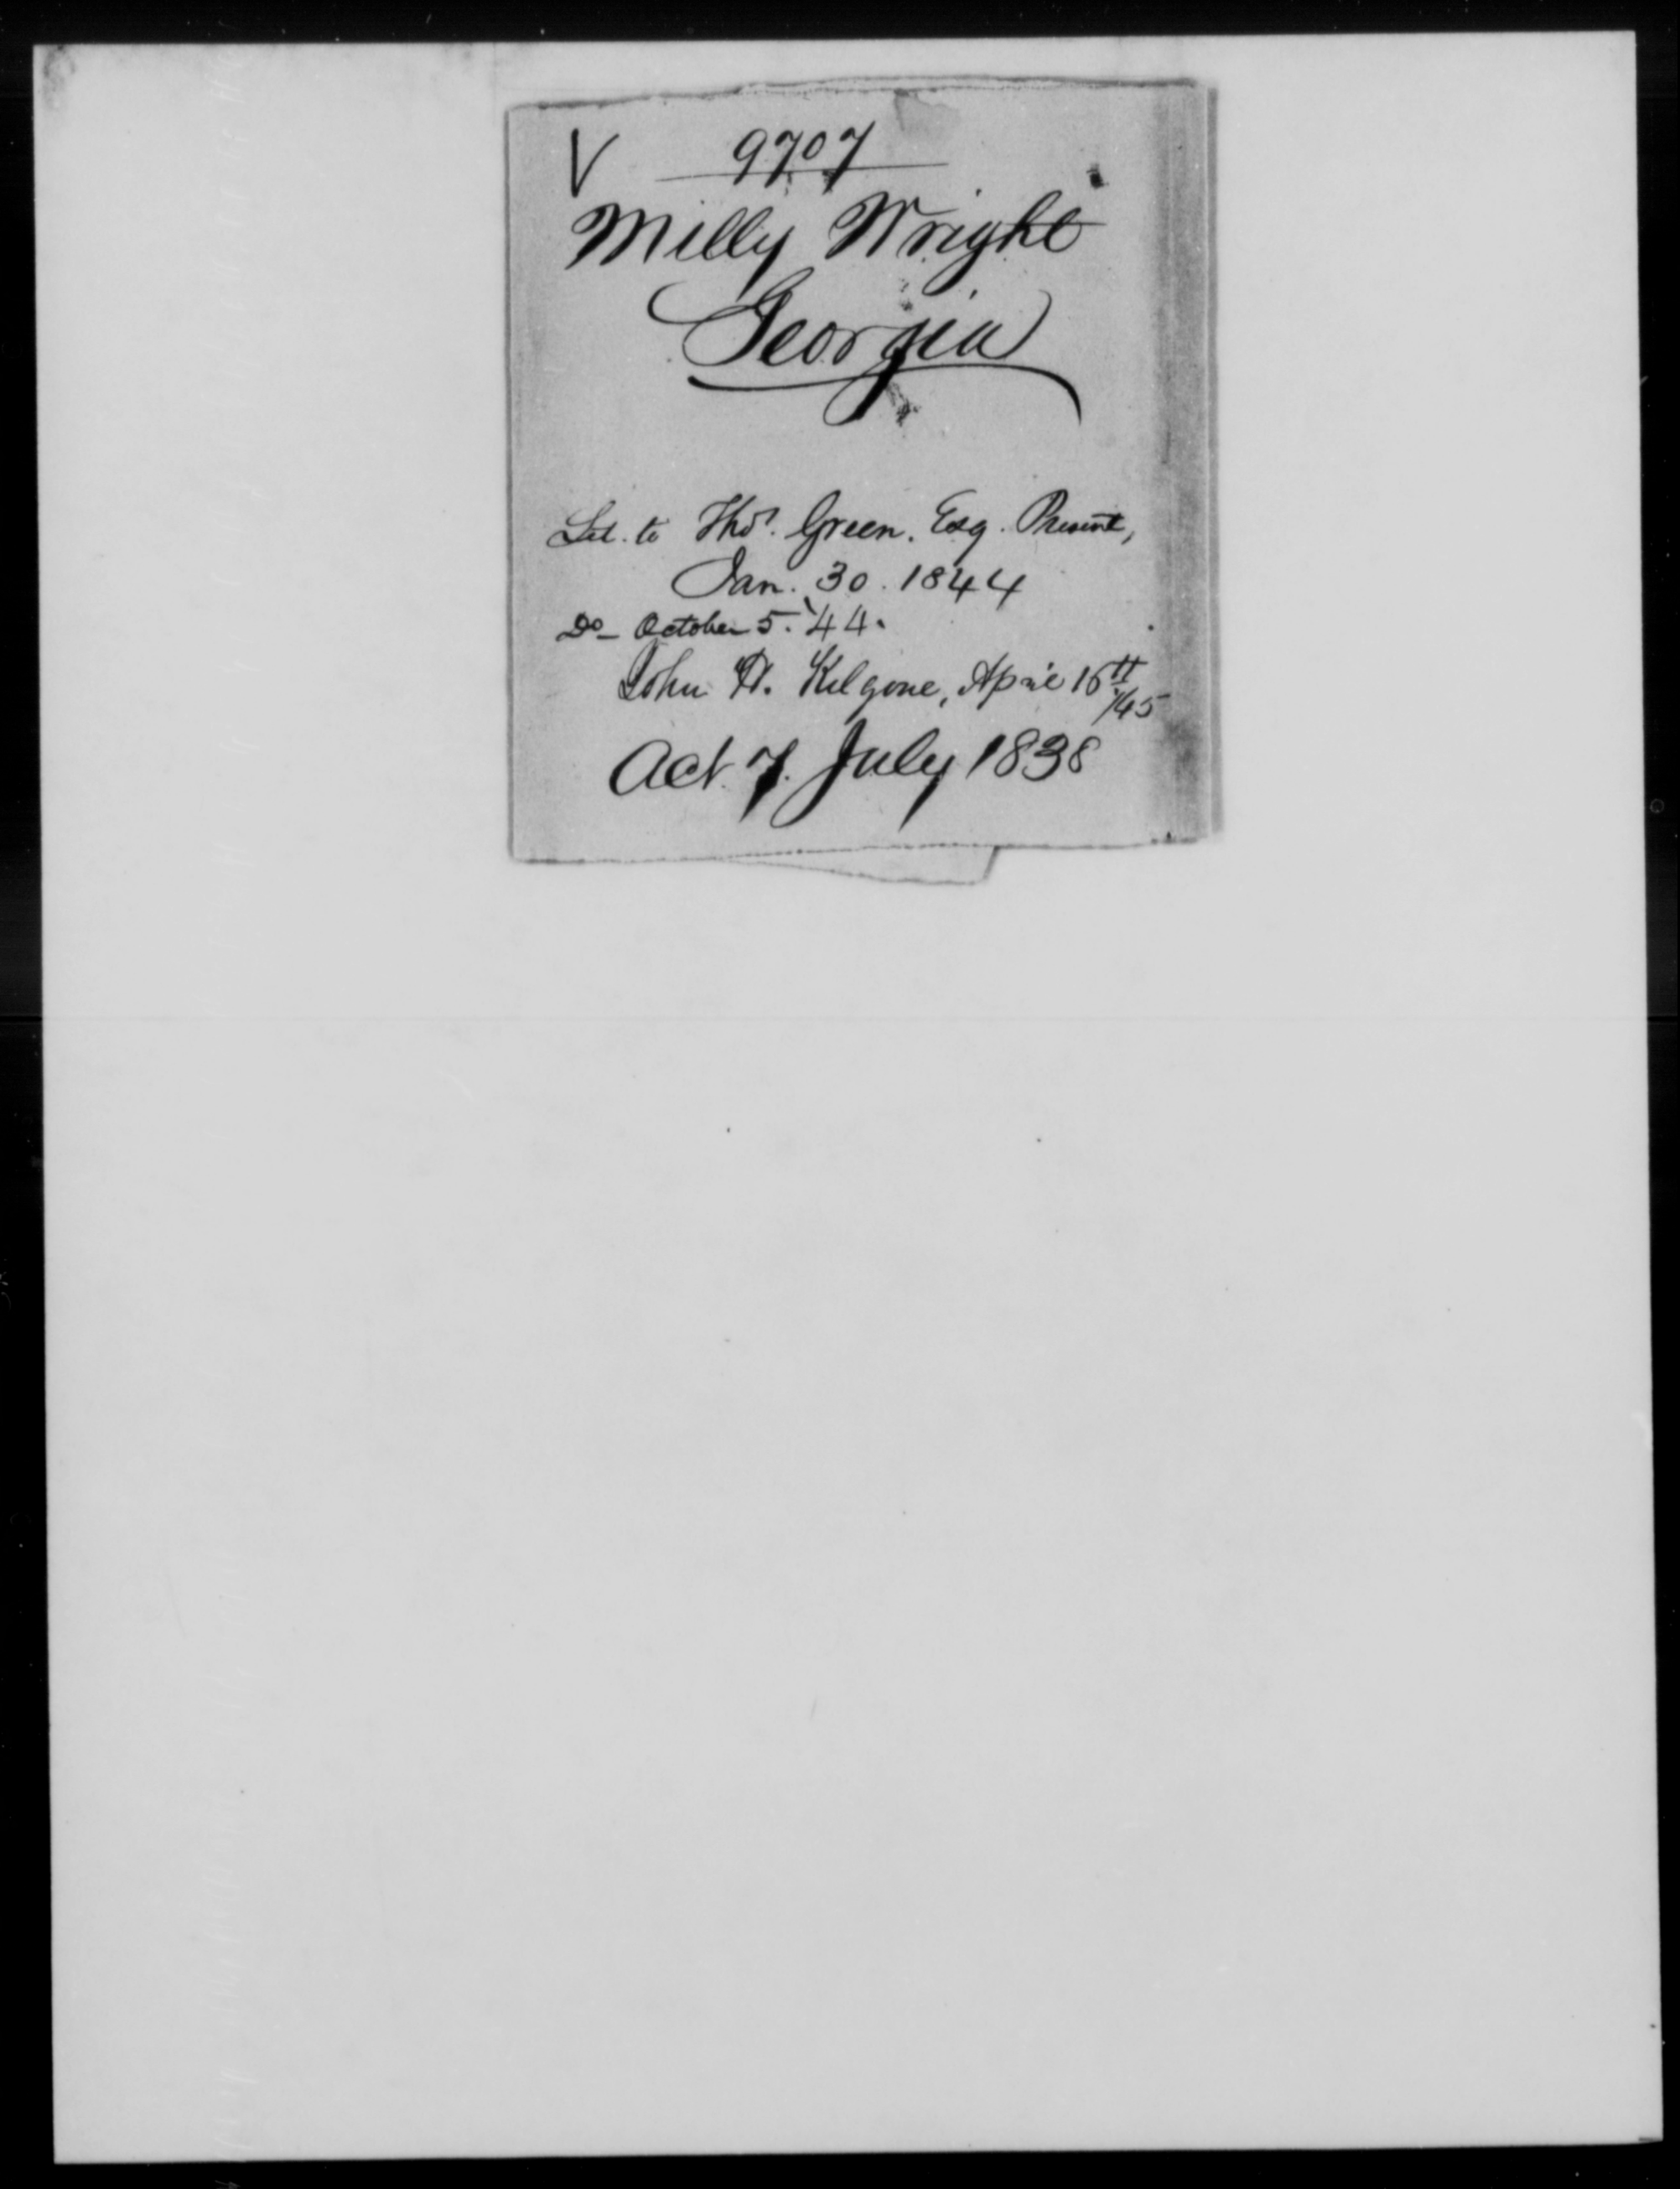V 9707

Milly [sic] Wright
Georgia

Let. to Thos Green. Esq. Present,
Jan. 30. 1844
Do_ October 5. '44
John H. Kelgone, April 16th/45
Act 7. July 1838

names: John H Kilgone, Milly Wright, Thos Green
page: 34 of 81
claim: widow's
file: W. 5183, Bolling Wright, Va.